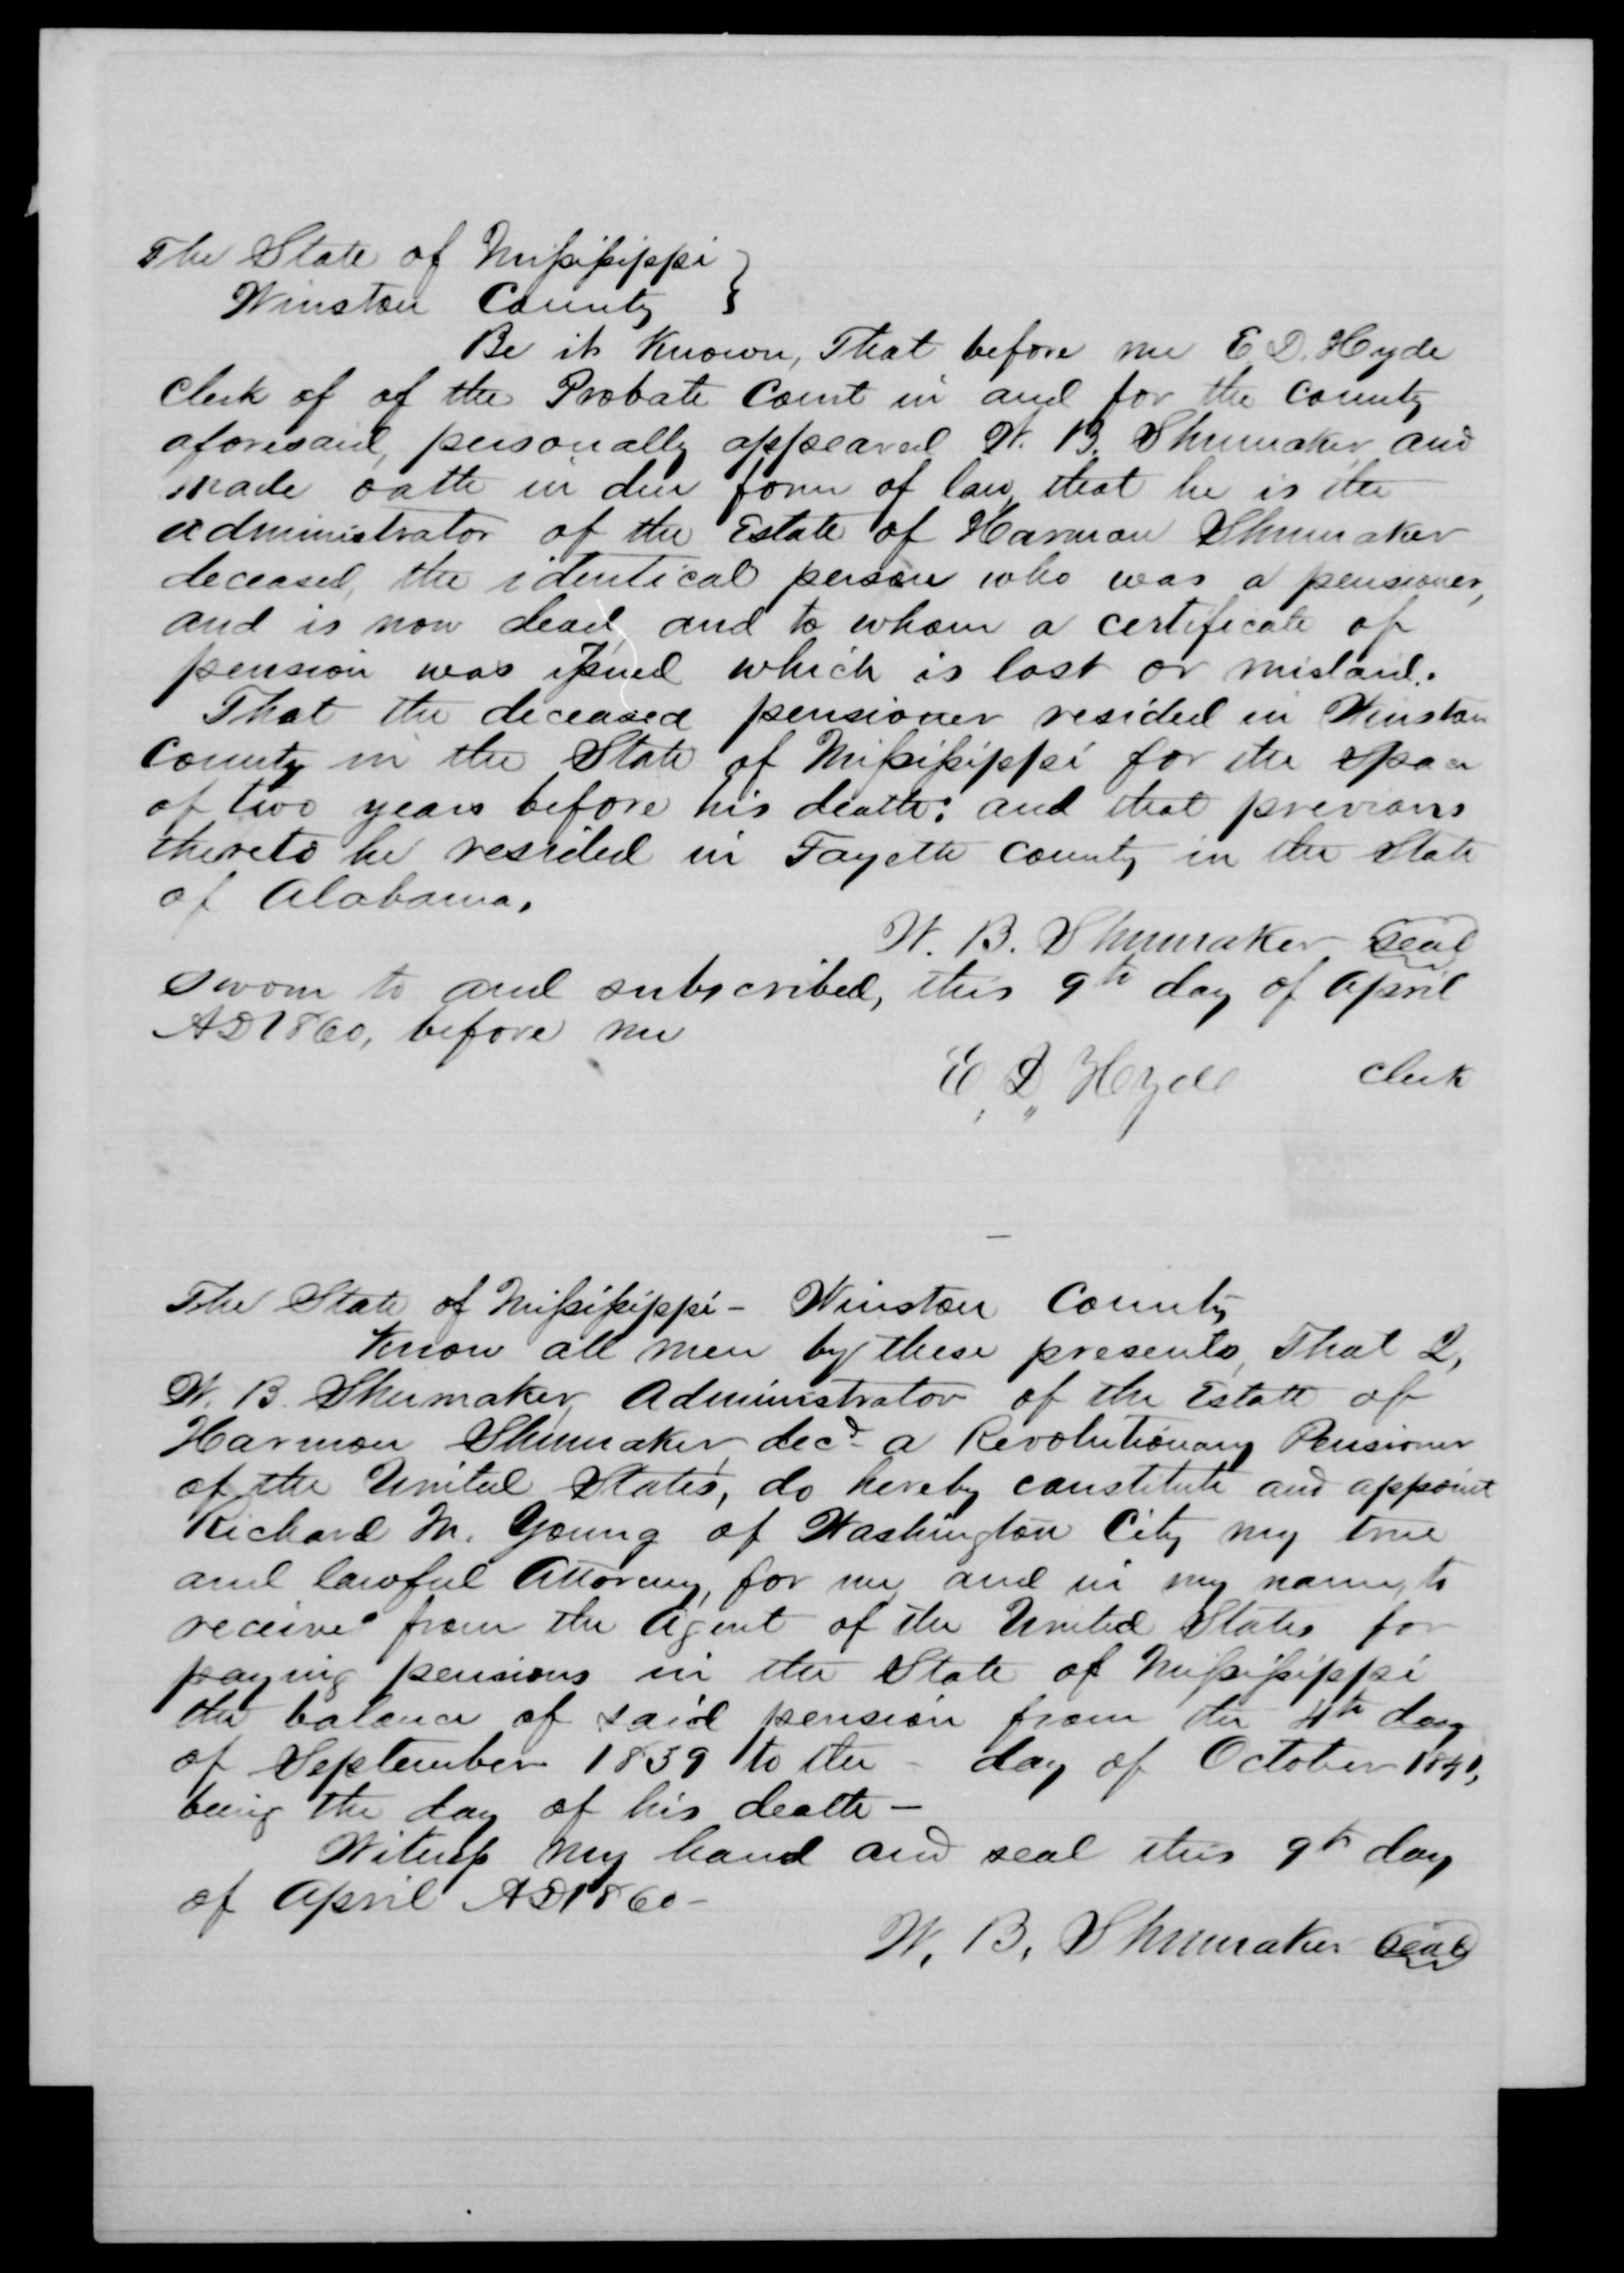The State of Mississippi
Winston County
Be it known, That before me E.D. Hyde
Clerk of of the Probate Court in and for the County aforesaid, personally appeared W.B. Shumaker and made oath in due form of law that he is the administrator of the Estate of Harman Shumaker deceased the identical person who was a pensioner and is now dead and to whom a certificate of pension was issued which is lost or mislaid That the deceased pensioner resided in Winston
County in the State of Mississippi for the space
of two years before his death: and that previous thereto he resided in Fayette County in the State of Alabama,
W. B. Shumaker ℗
Sworn to and subscribed this 9th day of April
AD 1860, before me
E. D. Hyde  Clerk
The State of Mississippi - Winston County
Know all men by these presents, That I,
W. B. Shumaker, Administrator of the Estate of
Harmon Shumaker dec'd a Revolutionary Pensioner of the United States, do hereby constitute and appoint Richard M. Young of Washington City my true and lawful Attorney, for me and in my name, to receive from the Agent of the United States for paying pensions in the State of Mississippi the balance of said pension from the 4th day of September 1839 to the day of October 1840,
being the day of his death -
Witness my hand and seal this 9th day
of April A D 1860 -
W. B. Shumaker seal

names: W B Shumaker; W B Shumaker; Harmon Shumaker; Richard M Young; E D Hyde; E D Hyde; W B Shumaker; Harmon Shumaker; W B Shumaker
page: 19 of 20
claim: survivor's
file: S. 32512, for Harmon Shumaker, Maryland